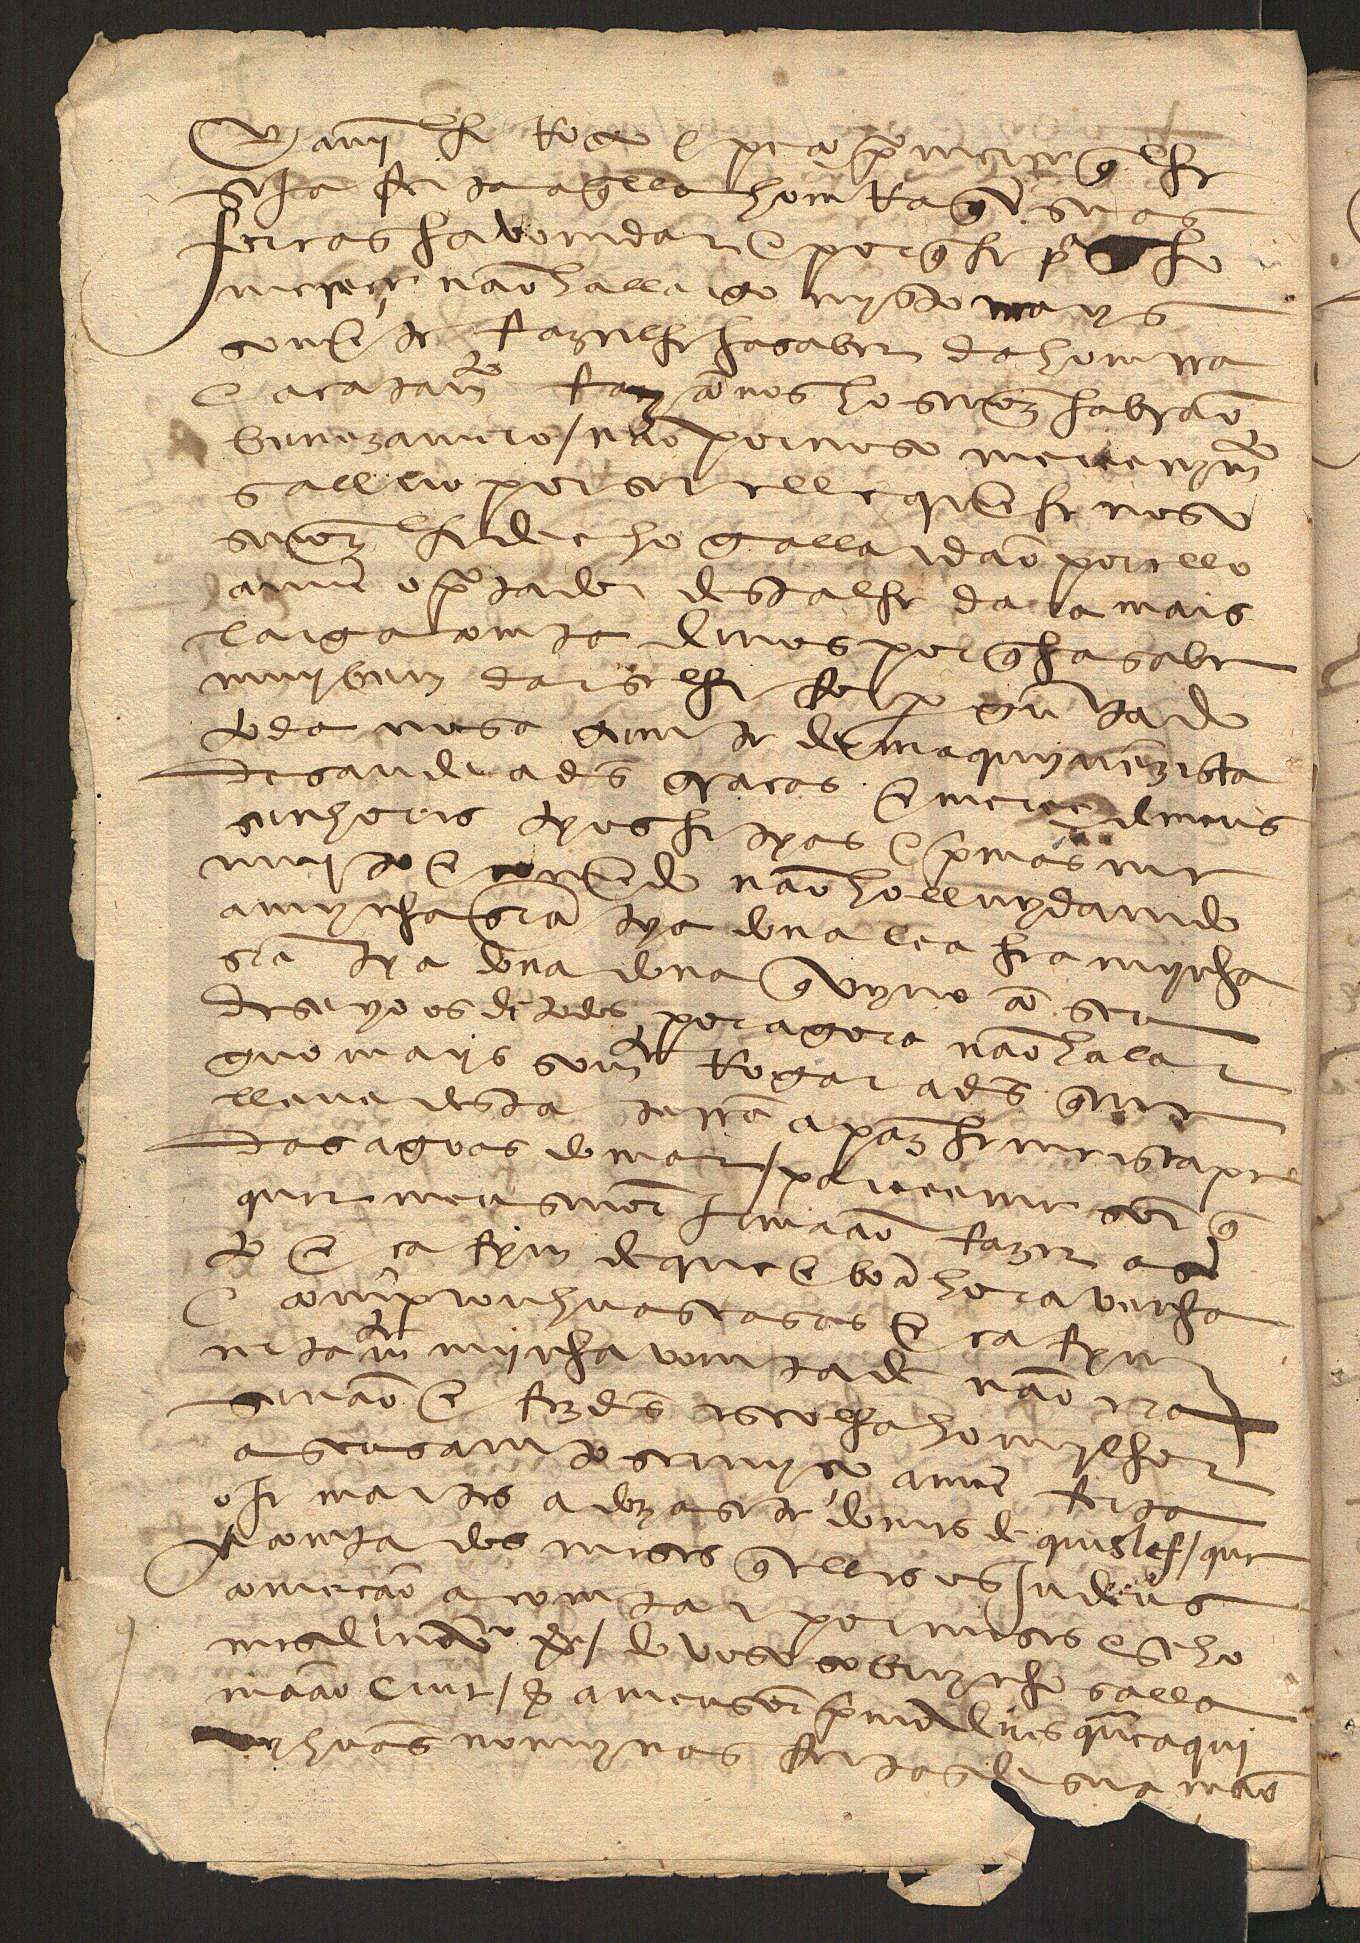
E a mj̄ lhe Rogo e peço p̄o merce q̄ lhe
seJa feita aq̄lla homRa q̄ ē suas
forças havomdar e porq̄ he pa q̄ ho
merece não hallargo nysto mays
somēte fazerlhe saber da homrra
e acatamto faz c̄o nos ho senōr habraõ
benezamero / naõ por noso merecymto
salluo por ser elle quē he noso
senōr lhe dee ho gallardaõ por ello
amē o p̄otador desta lhe dara mais
larga comta de nos porq̄ ha sabe
muy bem dar se lhe for ꝑgūtado
toda nosa tem te de maquynez esta
de saude a ds̄ gracas ē merce de meus
senhores tyos he tyas e p̄imas me
mujto ēcomēdo não holluydamdo
a mynha s̄ra tya dona lea he a mynha
srā tya dona dona q̄ vyuo c̄o seu
deseyo os de todos por agora não halar
guo mays somte Rogar a ds̄ que me
lleue desta terrā a paz he me escape
das agoas do mar / pareceme sōr q̄
quer meu senōr Jrmaão fazer asē
to ē çafym de que ē boā hora venho
e comprou huas casas ē cafym
certamte mynha vomtade não era
senão ē fez ds̄ escolha ho mjlhor
a seu samto seruyço ameē feita
oJe martes a dozasete do mes de quislef / que
a comta dos meses q̄ elles os Judeus
começaõ a comtar por meses e se ho
mes de novro / do voso sobrynho salla
maão cine / a meu sōr p̄imo dires que aquj
vy huās nomynas feitas de sua maõ
